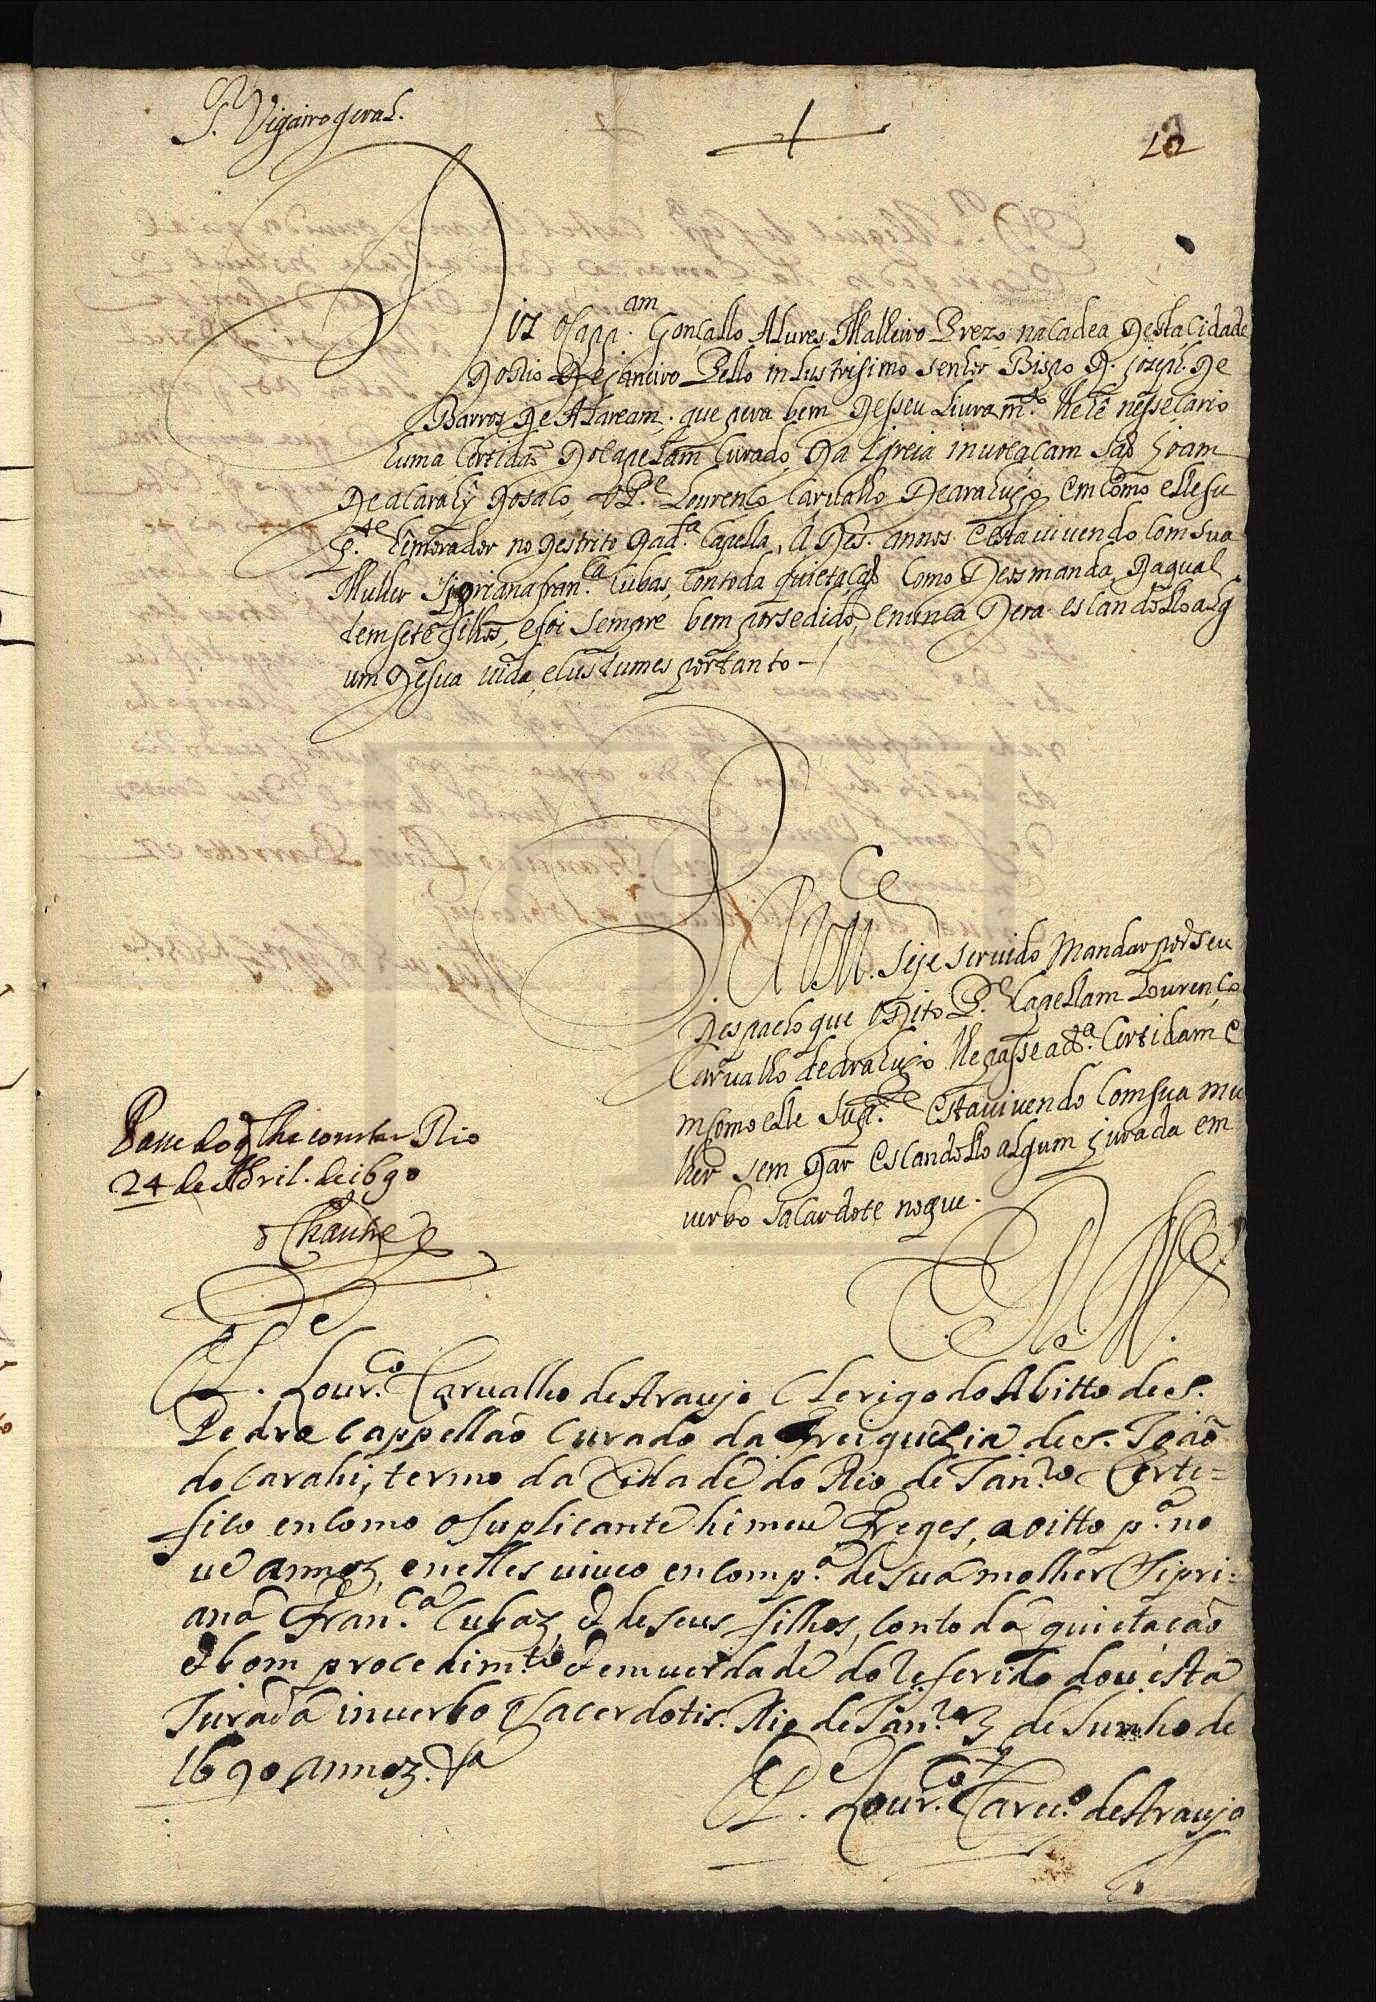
S.or Vigairo geral.
12
Diz o Capp.am Gonçallo Alures Malheiro Prezo na Cadea Desta cidade
Do Rio De janeiro Pello inlustrisimo senhor Bispo D. jozeph. De
Barros de Alarcam; que pera bem De sseu Liuram.to lhe hê nesseçario
huma Certidão Do Capelam Curado, Da Igreia inuocaçam Saõ Joam
De aCarahy Do saco, o P.e Lourenço Carualho De arahujo em como elle su
p.te he morador no Destrito da d̄.a Capella, a Des annos e esta uiuendo com sua
Mulher Sipriana fran.ca Cubas, con toda quietação Como Deos manda Da qual
tem sete filhos, e foi sempre bem porsedido, e nunca Dera escandollo alg
um De sua uida, e Custumes portanto -
P A V M.ce seja seruido mandar por seu
Despacho que o Dito P.e Capellam Lourenço
Carualho de arahujo lhe passe a d̄.a Certidam e
m Como elle Sup.te Esta uiuendo Com sua mu
lher sem Dar escandollo algum jurada em
uerbo sacardote no que.
Passe do q̄ lhe constar Rio
24 de Abril. de i690
o Chantre
E. R. M.ce
O L.do Lour.ço Carualho de Araujo Clerigo do Abitto de S.
Pedro cappellaõ curado da freiguezia de S. Ioaõ
do Carahi, termo da Cidade do Rio de Ian.ro Certe
fico en como o suplicante hé meu Freges, a oitto p.a no
ue annoz, e nelles uiueo en comp.a de sua molher Sipri
ana Fran.ca Cubaz & de seus filhos, con toda quietaçaõ
e bom procedim.to & em uerdade do Referido dou esta
Iurada in uerbo Sacerdotis. Rio de Ian.ro 3 de Iunho de
1690 annos. &a
O P.e Lour.ço Caru.o de Araujo
